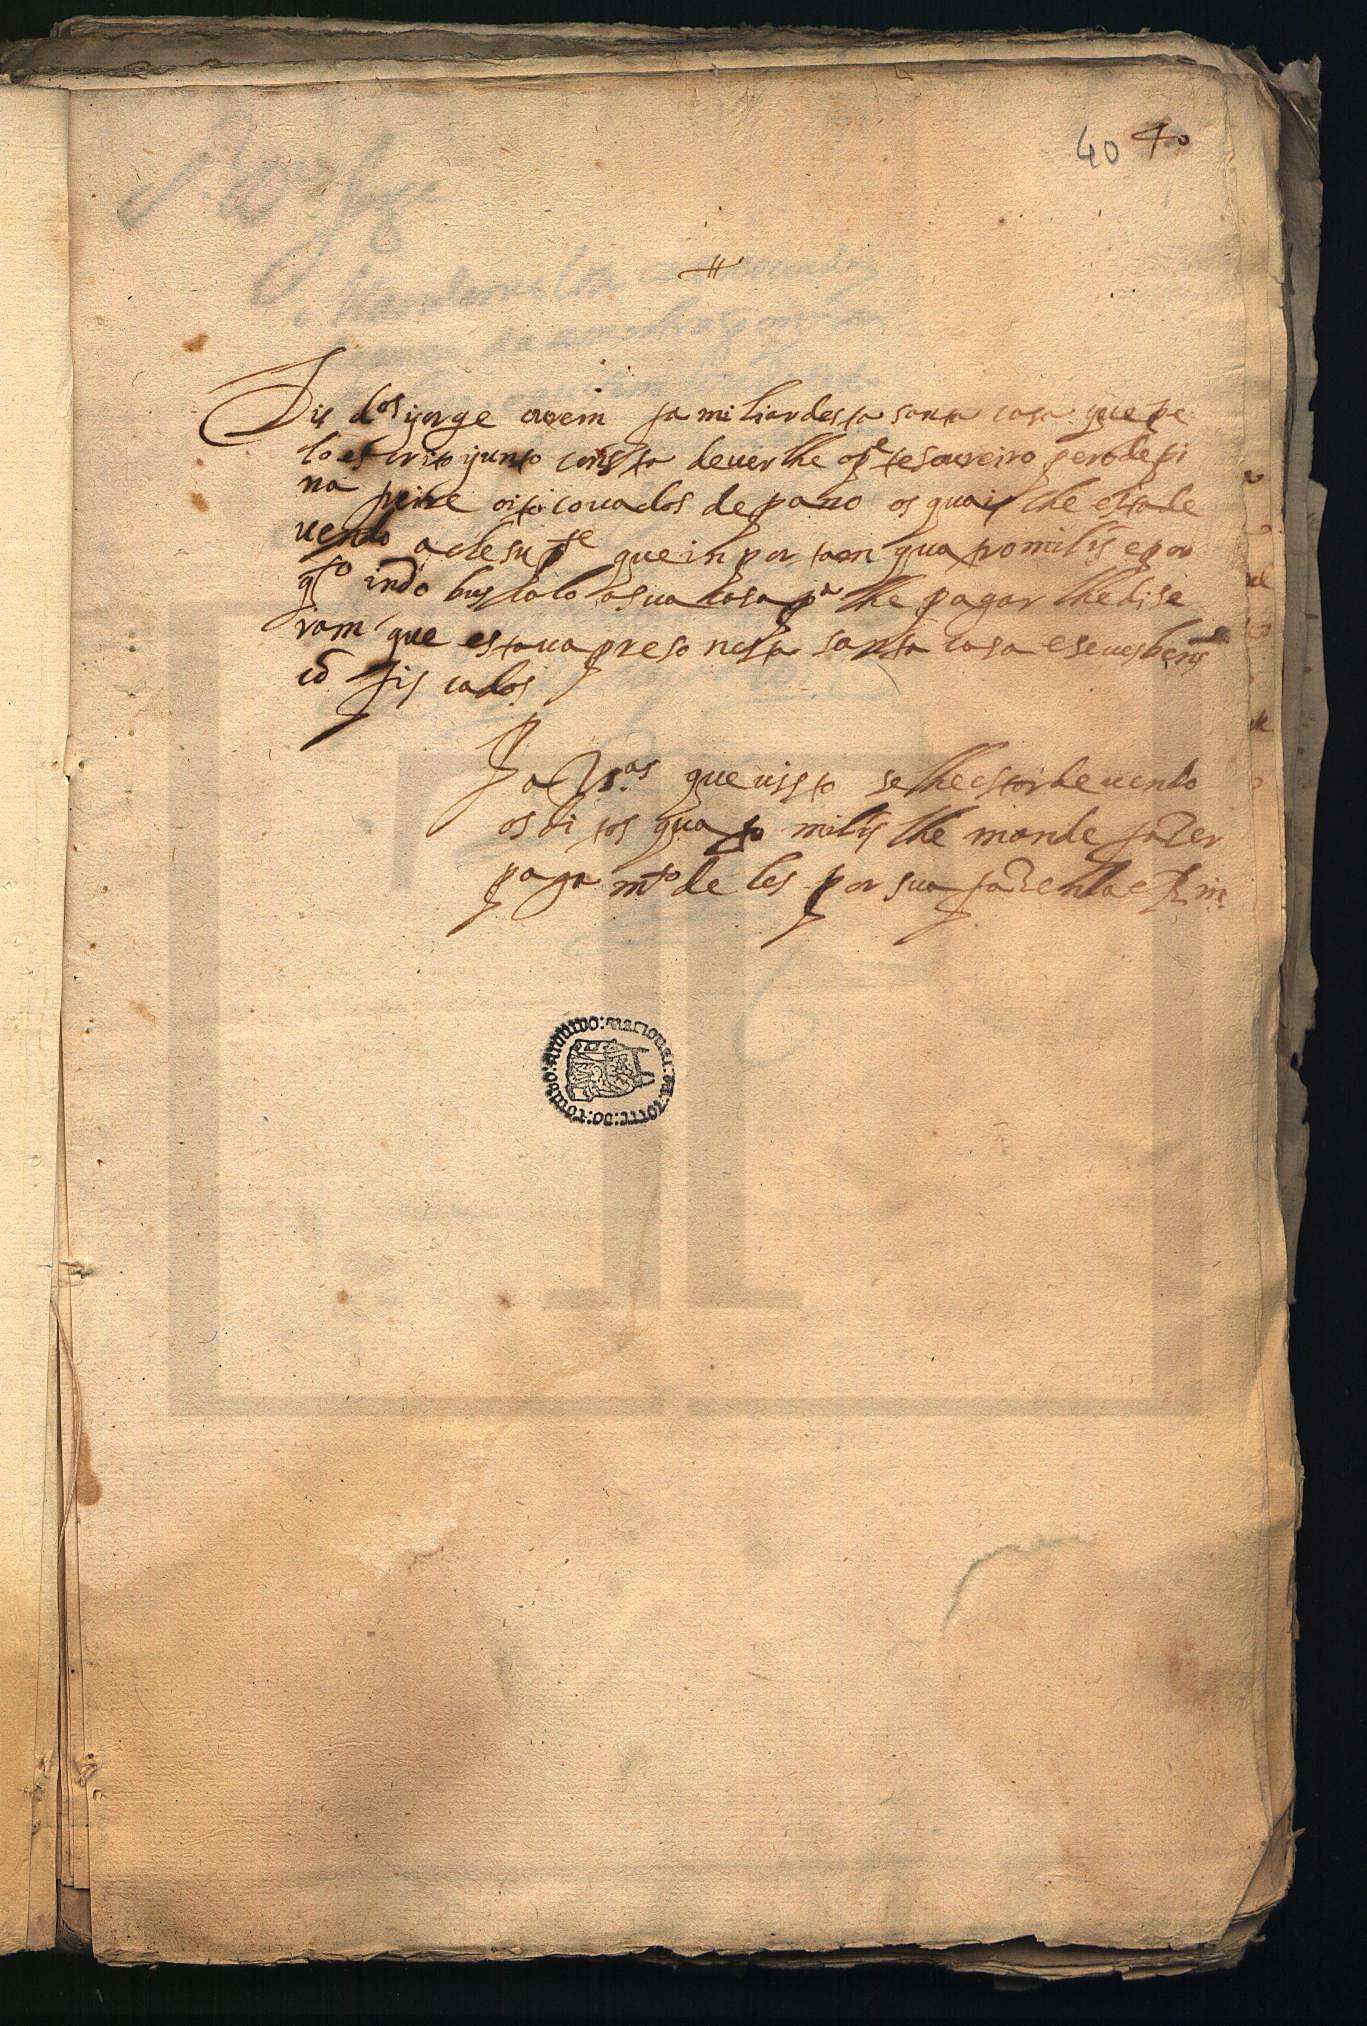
40
Dis dos yorge ourem familiar desta santa casa que pe
lo escrito yunto consta deuerlhe o pe tesoureiro pero de pi
na freire oito couados de pano os quais lhe esta de
uendo a ele supte que inportam quatro mil rs̄ e por
qto indo buscalo a sua casa pa lhe pagar lhe dise
ram que estaua preso nesta santa casa e seues bens
cōfiscados
P a V s.as que uisto se lhe estar deuendo
os ditos quato mil rs̄ lhe mande fazer
pagamto deles por sua fazenda e R m̄
